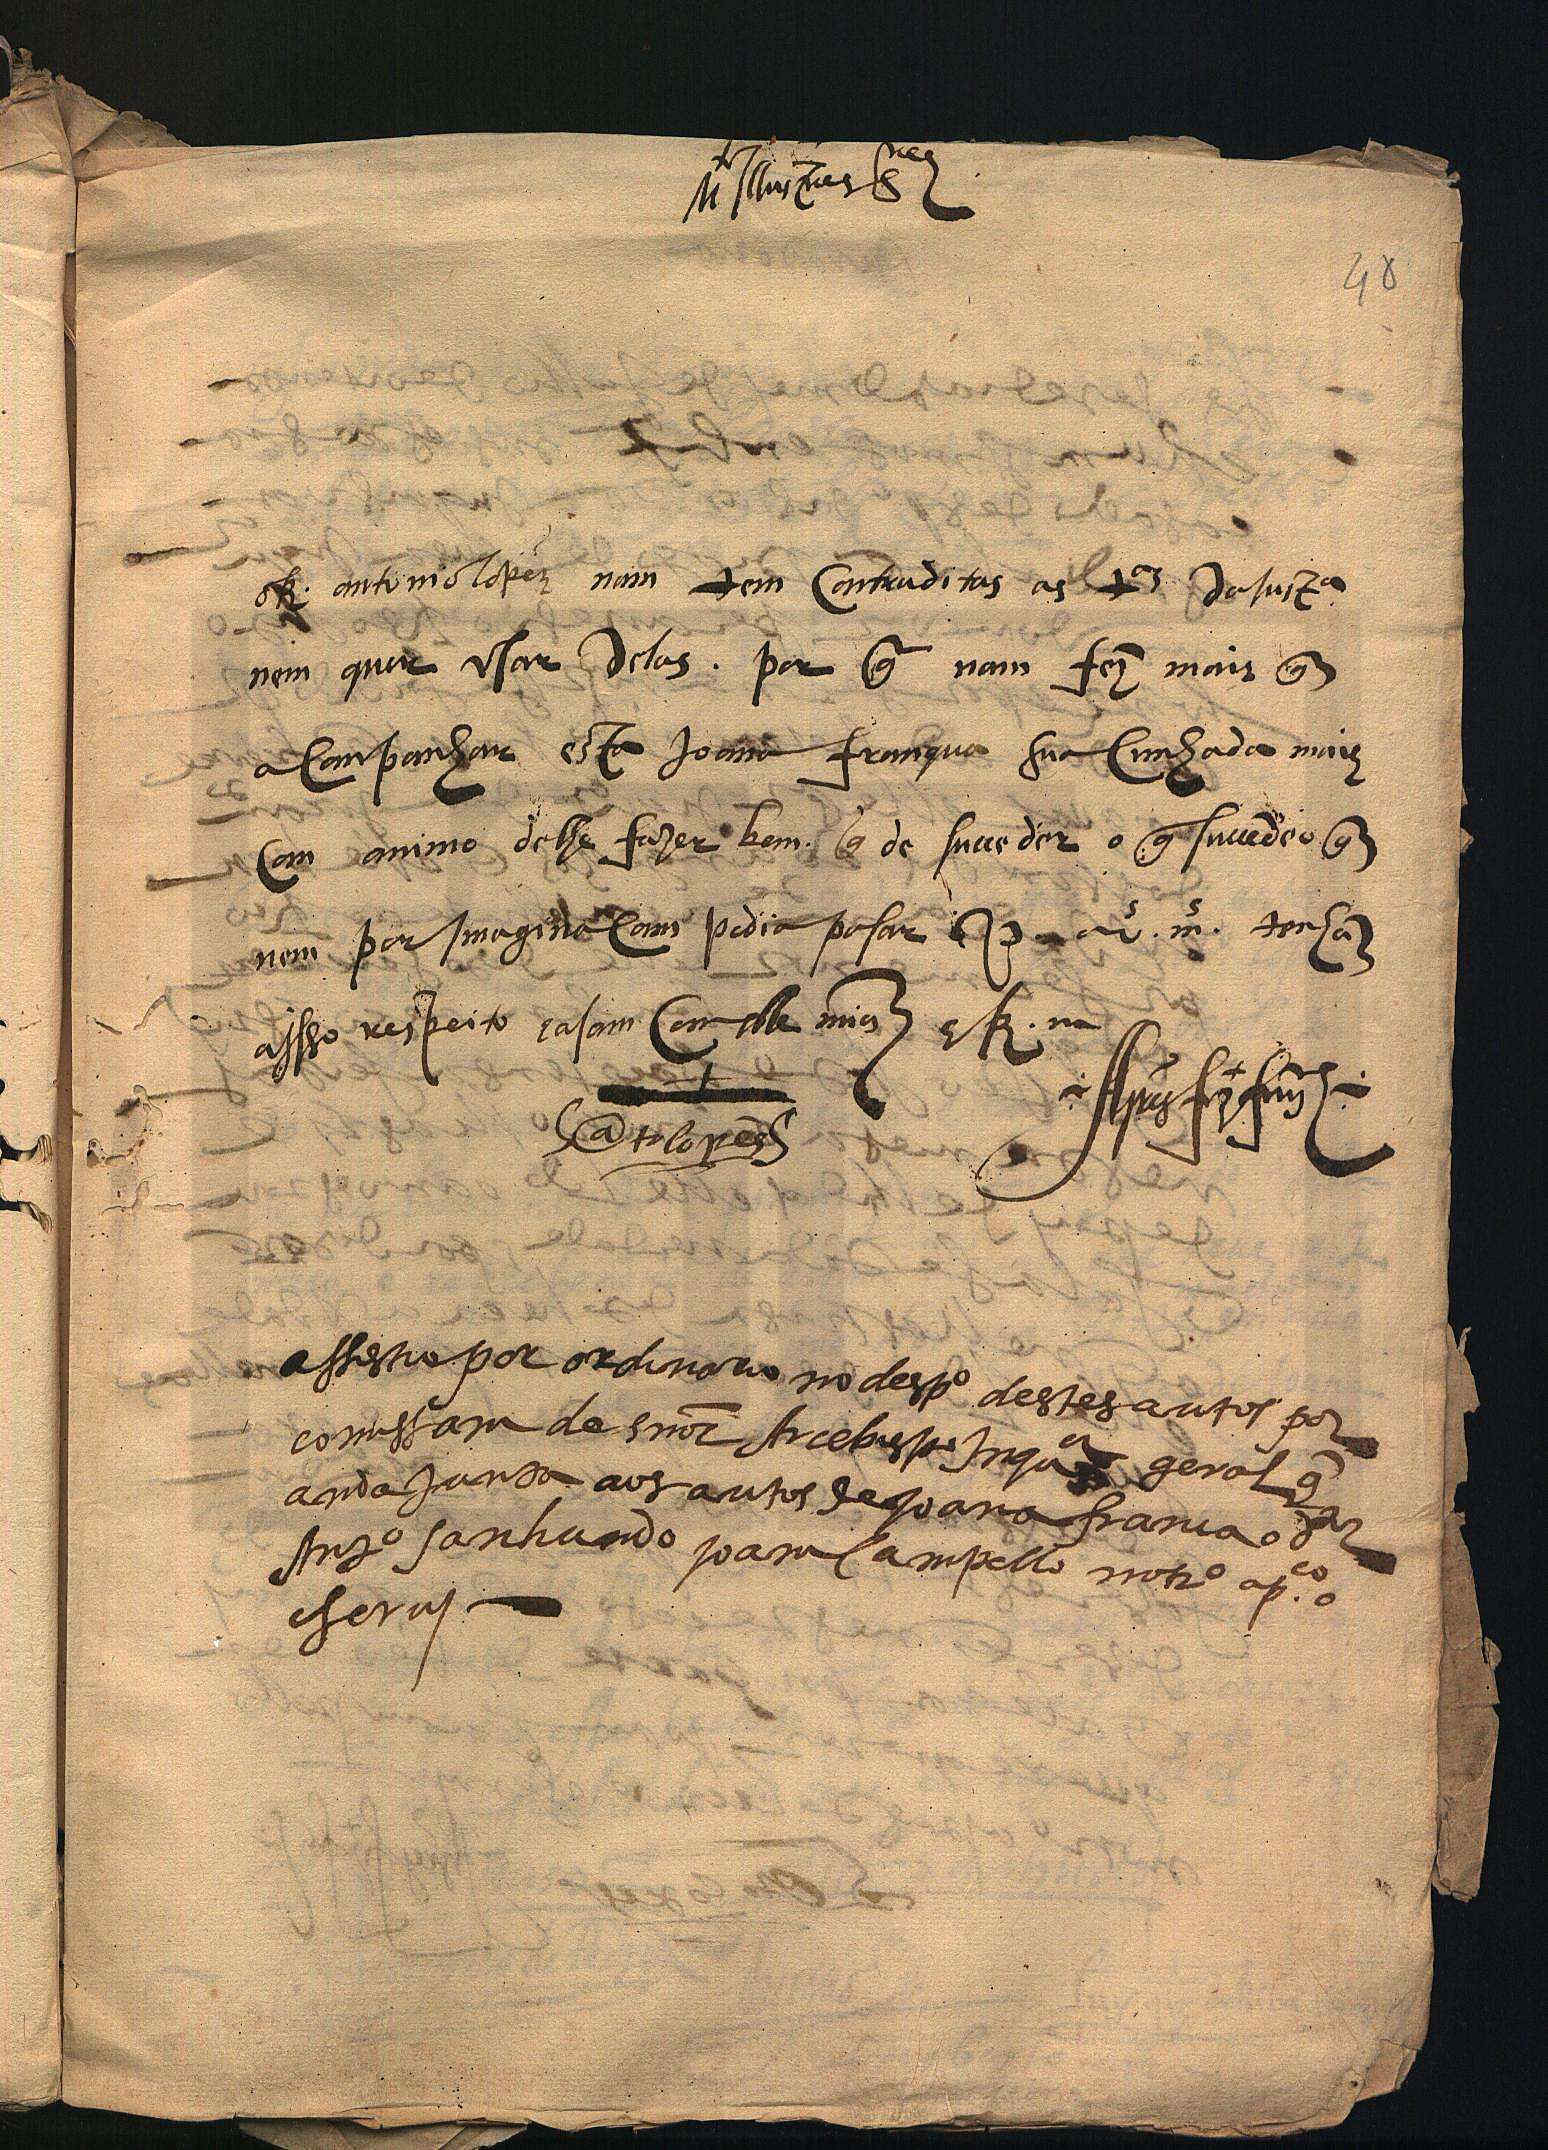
Mto Jllustres Sres
o R. antonio lopez nam tem Contraditas as tas da Justa
nem quer vsar delas . porq̄ nam fez mais q̄
aCompanhar esta Joana franqua sua Cunhada mais
Com animo de lhe fazer bem q̄ de succeder o q̄ succedeo q̄
nem por JmaginaÇam podia pasar P a vs. ms. tenhā
a Jsso respeito E aJam Com elle mīa E R. m
Ayres frz̄ fernes
āto lopes
assistio por ordinario no despo destes autos por
comissam do snōr Arcebispo Jnqu.or geral q̄
anda Junta aos autos de Joana franca o dtor
Anto Sanhundo Joam Campello notro ap.co o
escruj
